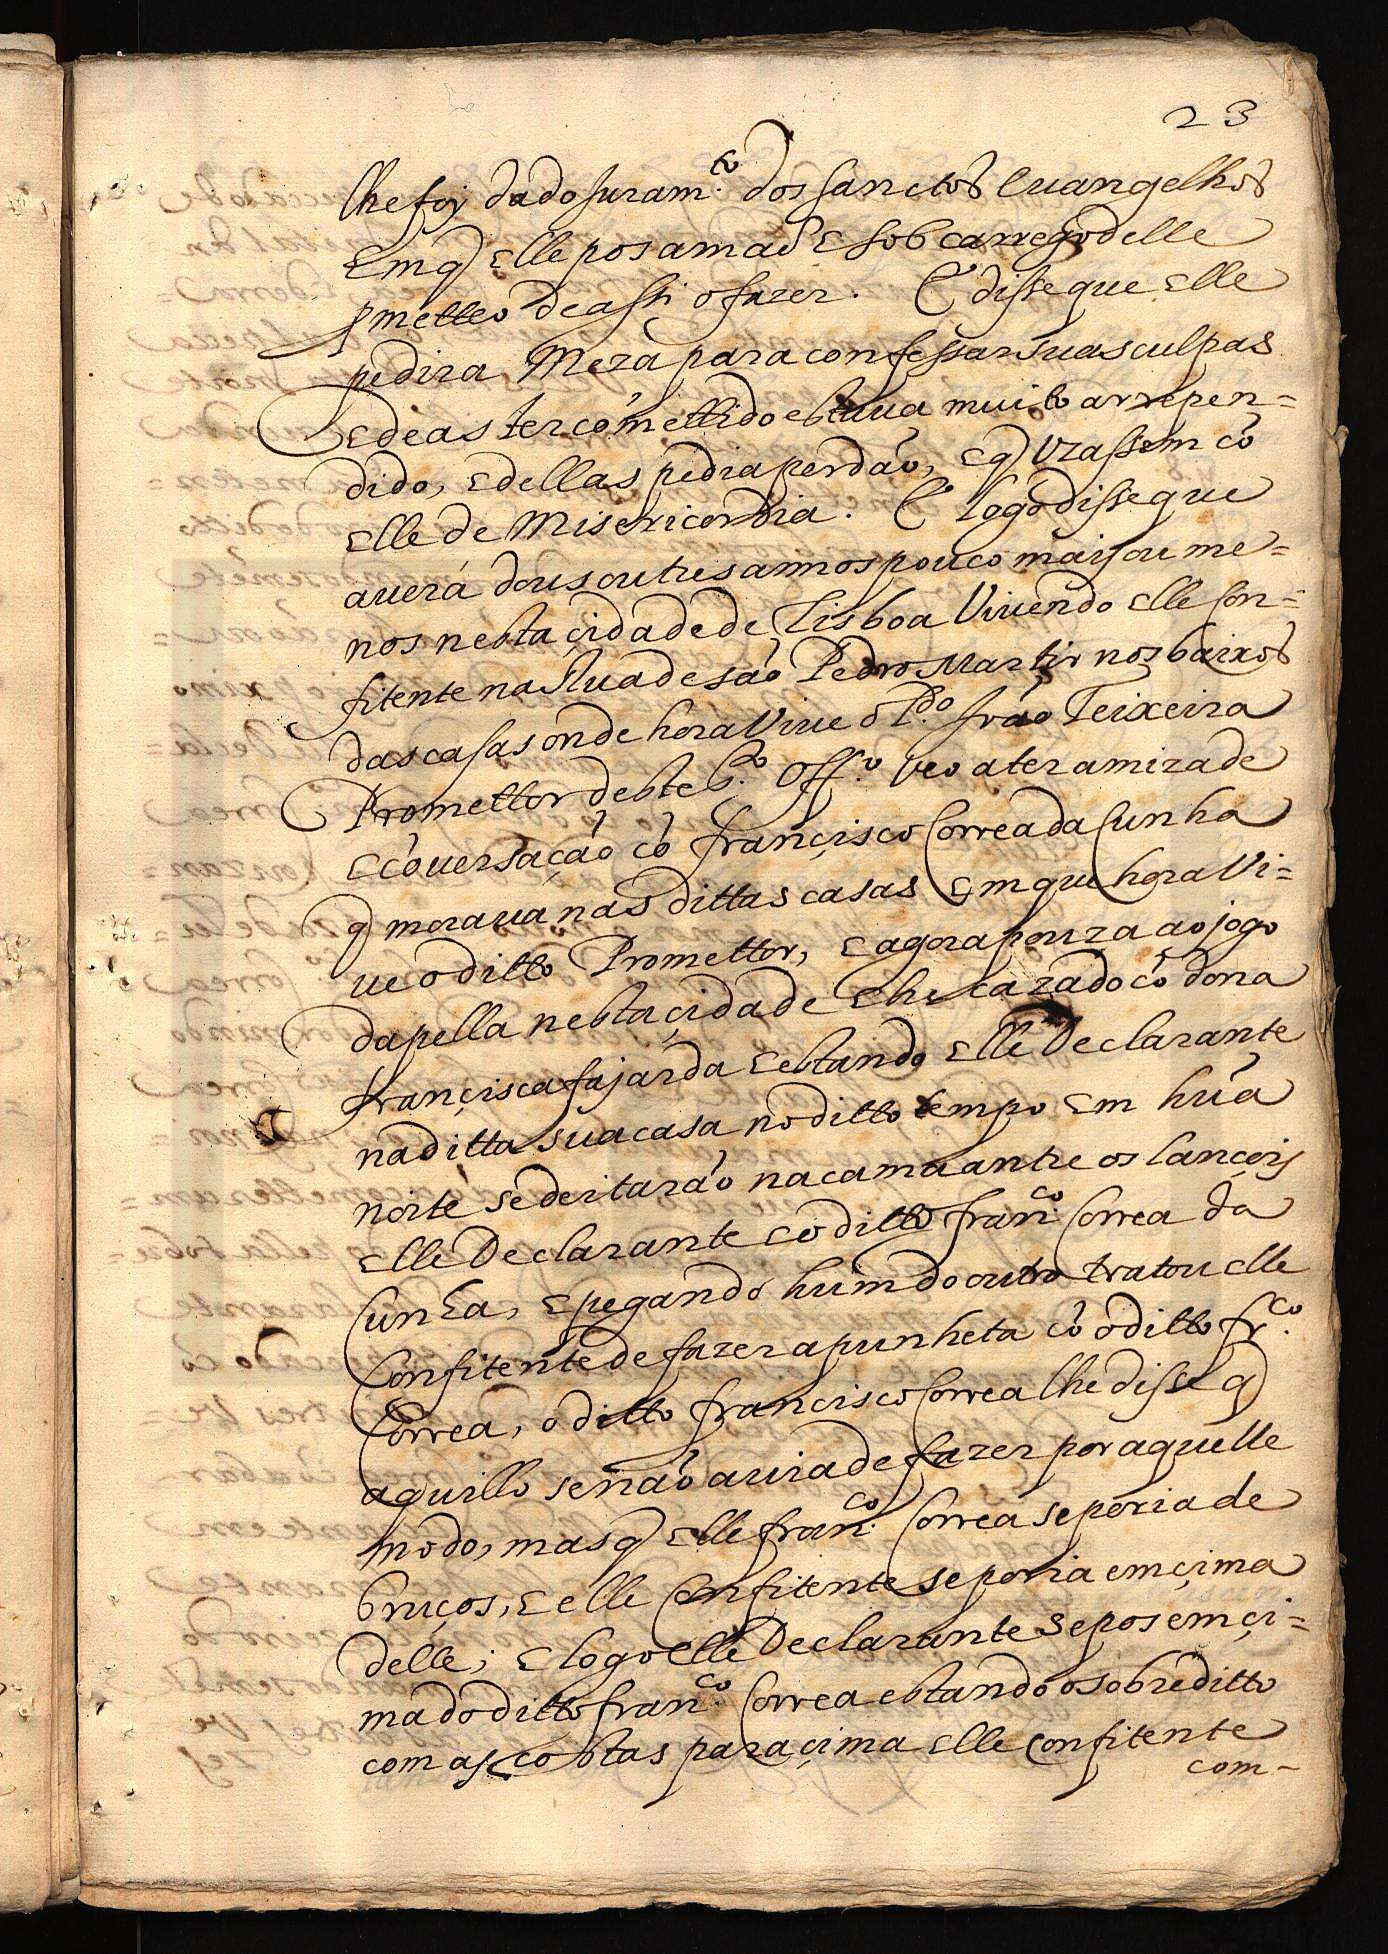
lhe foy dado Juram.to dos Sanctos euangelhos
Em q̄ Elle pos a maõ E sob carrego delle
ꝓmetteo de assi o fazer. E disse que Elle
pedira Meza para confessar suas culpas
E de as ter com̄ettido estaua muito arrepen
dido, E dellas pedia perdaõ, E q̄ Vzassem cō
Elle de Misericordia. E logo disse que
auerá dous ou tres annos pouco mais ou me
nos nesta çidade de Lisboa Viuendo Elle Con
fitente na Rua de saõ Pedro Martir nos baixos
das casas onde hora Viue o l.do João Teixeira
Promettor deste s.to Off.o veo a ter amizade
E cōuersaçaõ cō françisco Correa da Cunha
q̄ moraua nas dittas casas Em que hora Vi
ue o ditto Promettor, E agora pouza ao jogo
da pella nesta çidade E he cazado cō dona
françisca fajarda E estando Elle Declarante
na ditta sua casa no ditto tempo Em huā
noite se deitaraõ na cama antre os lançois
Elle Declarante E o ditto franco. Correa da
Cunha, E pegando hum do outro tratou elle
Confitente de fazer a punheta cō o ditto frco.
Correa, o ditto francisco Correa lhe disse q̄
aquillo se naõ auia de fazer por aquelle
modo, mas q̄ Elle franco. Correa se poria de
bruços, E elle Confitente se poria em çima
delle; E logo elle Declarante se pos em çi
ma do ditto franco. Correa estando o sobreditto
com as costas para çima Elle confitente
com
